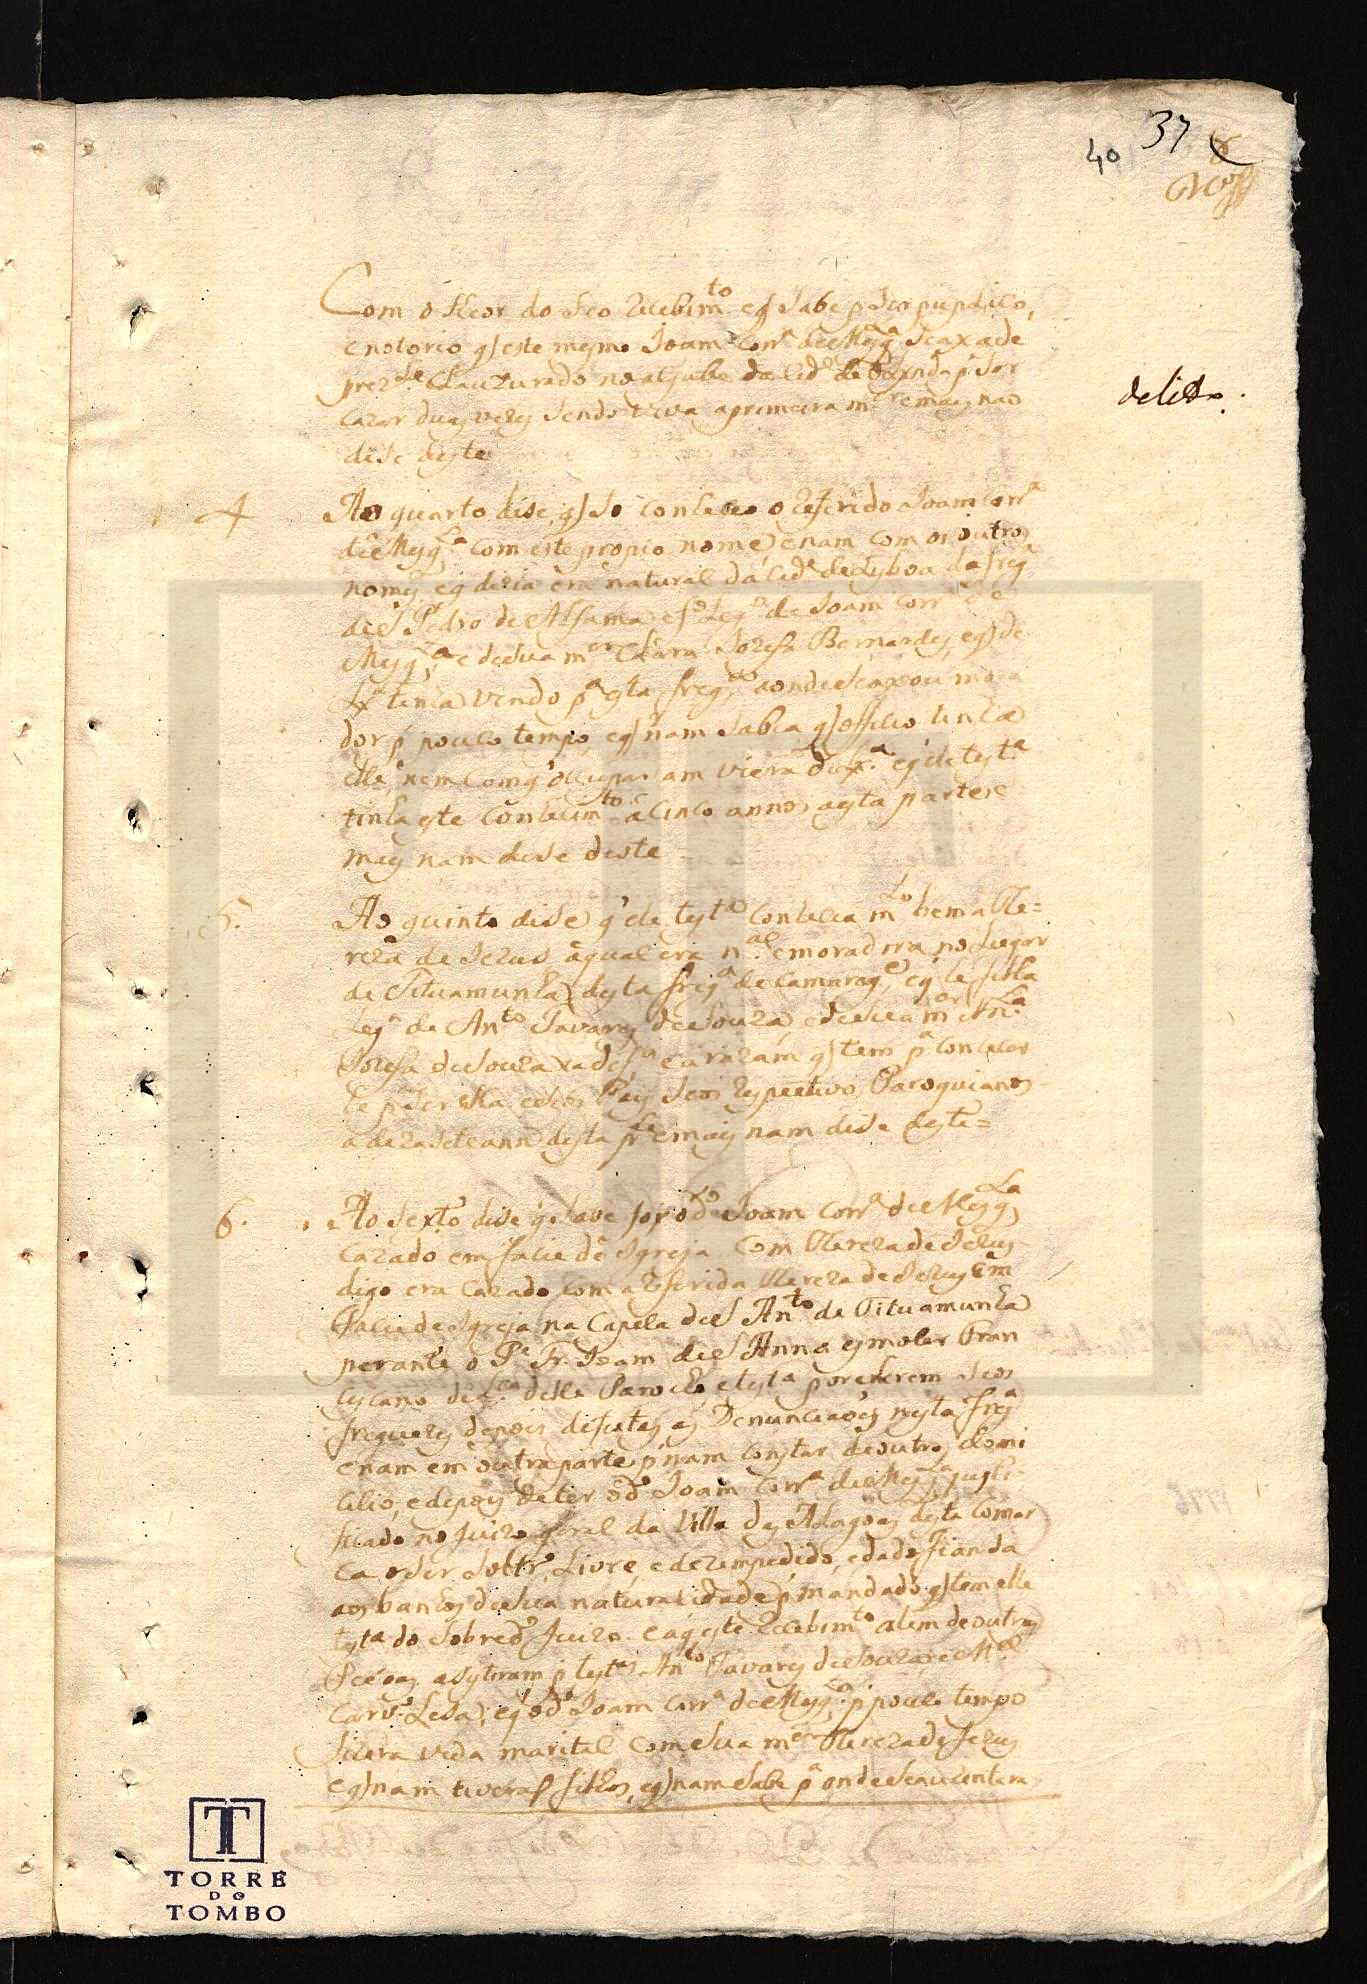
37
Com o Theor do seo Recebim.to e q̄ Sabe p ser puplico,
e notorio q̄ este mesmo Ioam Corra de Mesqta se axa de
prez.te cLauzurado no aljuble da Cid.e de baxada p̄ ser
delito.
cazar duas vezes sendo viva a primeira m.er se mais naõ
dise deste
Ao quarto dise, q̄ só conheceo o Referido Ioam Corra
de Mesq.ta com este propio nome, e nam com os outros
4
nomes e q̄ dezia era natural da Cid.e de Lisboa da frega
de s Pedro de Alfama; e fo Leg.o de Ioam Corra de
Mesq.ta e de sua mer CLara Iozefa Bernardes, e q̄ de
Lxa tenha vindo p.a esta freg.a aonde se axou mora
dor p̄ pouco tempo, e q̄ nam Sabia q̄ officio tinha
ella, nem com q̄ occupasam viera de Lx.a e que test.a
tinha este conhecimto a cinco annos a esta partes e
maes nam dise deste
Ao quinto dise q̄ ele testa conhecia m.to bem á The
reza de Iezus á qual era n.al e moradora no Lugar
de Fetuamunha desta freg.a de camarag.e e q̄ he filha
Leg.a de Anto Tavares de souza, e de sua m.er An.ta
Iozefa de Souza xa def.a e a razam q̄ tem pa conhecer
he p̄ ser ella e seos Pais seos Respectivos Paroquianos
a dezasete ann̄ desta p.te e mais nam dise deste
Ao sexto dise q̄ save foy o do Ioam corra de Mesq.ta,
cazado em facie da Igreja Com Thereza de Iezus
digo era cazado com a Referida Thereza de Iezus em
facie de Igreja na Capela de S. An.to da Tituamunha
perante o P.e Fr Ioam de S Anna esmoler Fran
ciscano de L.ca delle Parocho, e test.a poreserem seos
freguezes depois de feitas as Denunciaoẽs nesta frg.a
e nam em outra parte p̄ nam constar de outro, domi
cilio, e depois de ter o do Ioam Corra de Mesqta, justi
ficado no Juizo geral da Villa das ALagoas desta Comar
ca o ser soltr.o Livre, e dezimpedido, e dado fiansa
aos banhos de sua naturalidade p̄ mandado q̄ com ele
testa do Sobred.o Juizo; e a q̄ este Recebim.to alem de outras
Pesoaz asytiram p̄ testas Anto Tavares de Souza e M.el
Carv.o Lesa; e q̄ o d.o Ioam Corra de Mesq.ta p̄ pouco tempo
fizera vida marital com Sua m.er Thereza de Jezus
e q̄ nam tiveraõ filhos, e q̄ nam Sabe pa onde se auzentara
